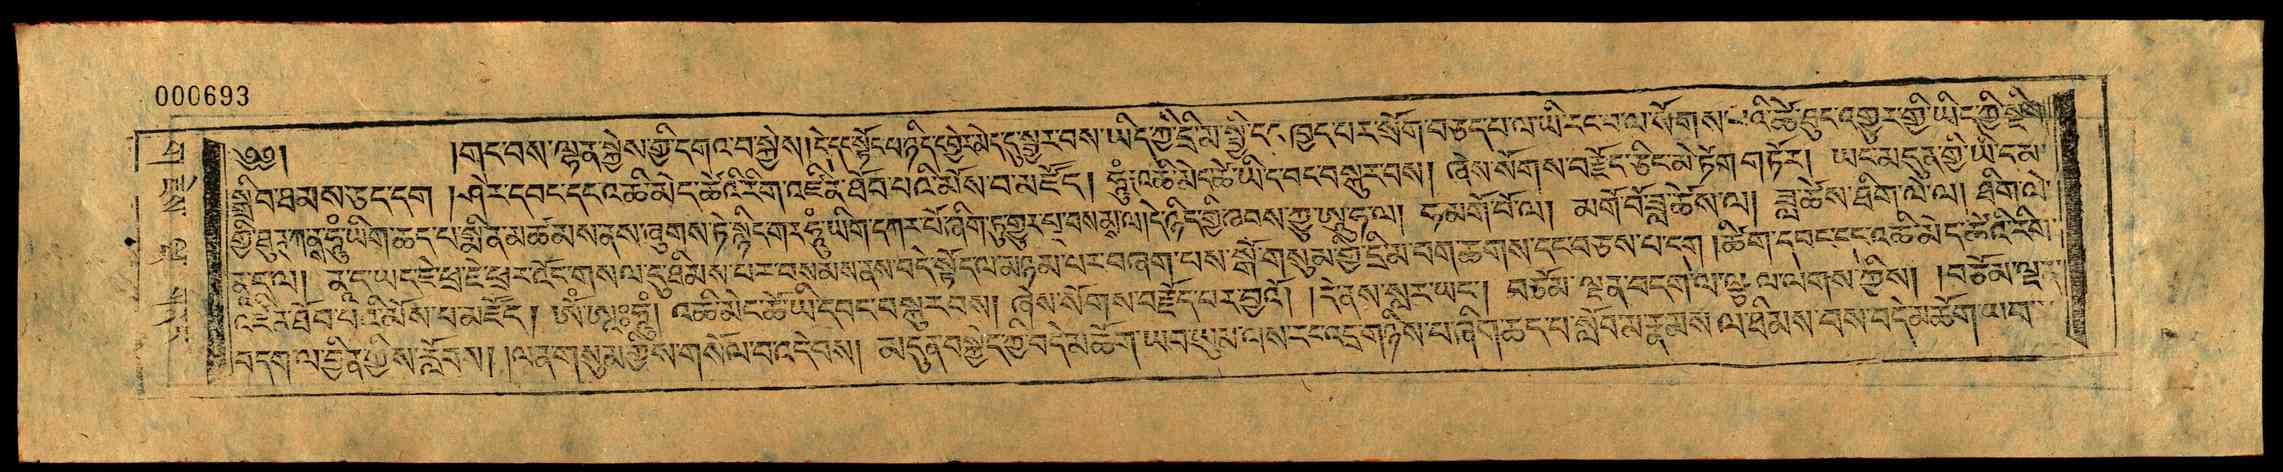༄༅། །གང་བས་ལྷན་སྐྱེས་ཀྱི་དགའ་བ་སྐྱེས། དེ་དང་སྟོང་པ་ཉིད་དབྱེར་མེད་དུ་སྦྱར་བས་ཡིད་ཀྱི་དྲི་མ་སྤྱི་དང་ཁྱད་པར་སྲོག་བཅད་པ་ལ་ཡི་རང་བ་ལ་སོགས་པའི་ཚེ་ཐུང་འགྱུར་གྱི་ཡིད་ཀྱི་སྡིག་
སྒྲིབ་ཐམས་ཅད་དག །ཤེར་དབང་དང་འཆི་མེད་ཚེའི་རིག་འཛིན་ཐོབ་པའི་མོས་པ་མཛོད། ཧཱུཾ༑ འཆི་མེད་ཚེ་ཡི་དབང་བསྐུར་བས། ཞེས་སོགས་བརྗོད་ཅིང་མེ་ཏོག་གཏོར། ཡང་མདུན་གྱི་ཡི་དམ་
གྱི་ཐུཌ་ཀ་ནས་ཧཱུཾ་ཡིག་ཆད་པ་སྨིན་མཚམས་ནས་ཞུགས་ཏེ་སྙིང་གར་ཧཱུཾ་ཡིག་དཀར་པོ་ཞིག་ཏུ་གྱུར་པར་བསམས་ལ། དེ་ཉིད་ཀྱི་ཞབས་ཀྱུ་ཨཱུ་ཧ་ལ། ཧ་མགོ་བོ་ལ། མགོ་བོ་ཟླ་ཚེས་ལ། ཟླ་ཚེས་ཐིག་ལེ་ལ། ཐིག་ལེ་
ནཱ་ད་ལ། ནཱ་ང་ཡང་ཇེ་ཕྲ་ཇེ་ཕྲར་འོད་གསལ་དུ་ཐིམས་པར་བསམས་ནས་བདེ་སྟོང་ལ་མཉམ་པར་བཞག་པས་སྒོ་གསུམ་གྱི་དྲི་མ་བག་ཆགས་དང་བཅས་པ་དག །ཚིག་དབང་དང་འཆི་མེད་ཚེའི་རིག་
འཛིན་ཐོབ་པའི་མོས་པ་མཛོད། ཨོཾ་ཨཱཿ ཧཱུཾ། འཆི་མེད་ཚེ་ཡི་དབང་བསྐུར་བས། ཞེས་སོགས་བརྗོད་པར་བྱའོ། །དེ་ནས་སླར་ཡང་། བཅོམ་ལྡན་བདག་ལ་སྩལ་ལགས་ཀྱིས། །བཅོམ་ལྡན་
བདག་ལ་བྱིན་གྱིས་རློབས། །ལན་གསུམ་གྱིས་གསོལ་བ་འདེབས། མདུན་བསྐྱེད་ཀྱི་བདེ་མཆོག་ཡབ་ཡུམ་ལས་རང་འདྲ་གཉིས་བ་ཞིག་ཆད་པ་སློབ་མ་རྣམས་ལ་ཐིམས་པས་བདེ་མཆོག་ཡབ་